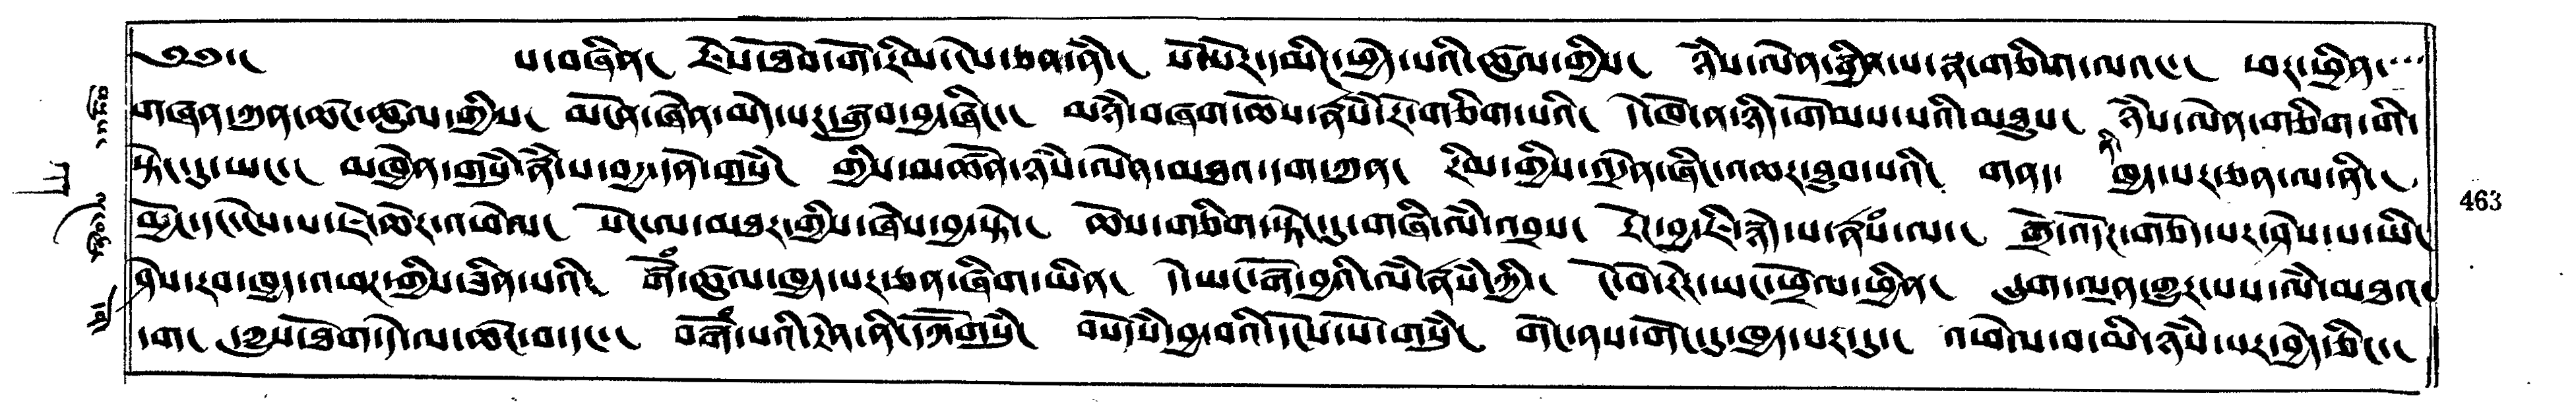པ་བཞིན། །རྗེས་ཐོབ་གོ་རིམ་ངེས་ཅན་ནམ། །སོ་སོར་དམིགས་ཕྱེད་པའི་ཚུལ་གྱིས། །ཉམས་ལེན་སྦྱིན་པ་སྣ་གཅིག་ལའང་། །ཕར་ཕྱིན་
གཞན་ཀུན་ཚང་ཚུལ་གྱིས། །མངོན་ཞེན་མེད་པར་བསྒྲུབ་བྱ་ཞིང་། །མཉམ་བཞག་ཆོས་རྣམས་རོ་གཅིག་པའི། །དེ་ཁོ་ན་ཉིད་གོམས་པའི་མཐུས། །ཉམས་ལེན་གཅིག་གི་
སྟེང་དུ་ཡང་། །མཁྱེན་གསུམ་རྣམ་པ་བརྒྱ་དོན་གསུམ། །གྱིས་མཚོན་ཉམས་ལེན་མཐའ་དག་ཀུན། །རིམ་གྱིས་འདྲེན་ཞིང་འཆར་ཐུབ་པའི། །གནད་ནི་ཁྱད་པར་ཅན་ལ་ནི། །
མྱོང་དང་ངེས་པ་ཇེ་ཆེར་འཕེལ། །སོང་ལ་མཐར་གྱིས་ཞེས་བྱ་སྟེ། །ཆོས་གཅིག་སྟེང་དུ་གཞི་ལམ་འབྲས། །རྟོགས་བྱ་ཇི་སྙེད་པ་རྣམས་ལ། །སྒྲོ་འདོགས་གཅོད་པར་ཤེས་པ་ཡི། །
ཤེས་རབ་ཁྱད་འཕགས་ཀྱིས་ཟིན་པའི། །སྒོམ་ཚུལ་ཁྱད་པར་ཅན་ཞིག་ཡིན། །དེ་ཡང་སྒོམ་བྱའི་ལམ་རྣམས་ཀྱི། །ངོ་བོ་རེར་ཡང་ཕ་རོལ་ཕྱིན། །དྲུག་ལྡན་གྱུར་པས་ལམ་མཐའ་
དག།དཀྱུས་ཐོག་དེ་ལ་ཚང་བ་དང་། །བསྒོམ་པའི་རྟེན་ནི་དཀོན་མཆོག་གསུམ། །བསོད་ནམས་བྱ་བའི་དངོས་པོ་གསུམ། །གོང་ནས་གོང་དུ་ཁྱད་པར་དུ། །འཕེལ་བ་མི་མཉམ་པར་བྱེད་ཅིང་།།